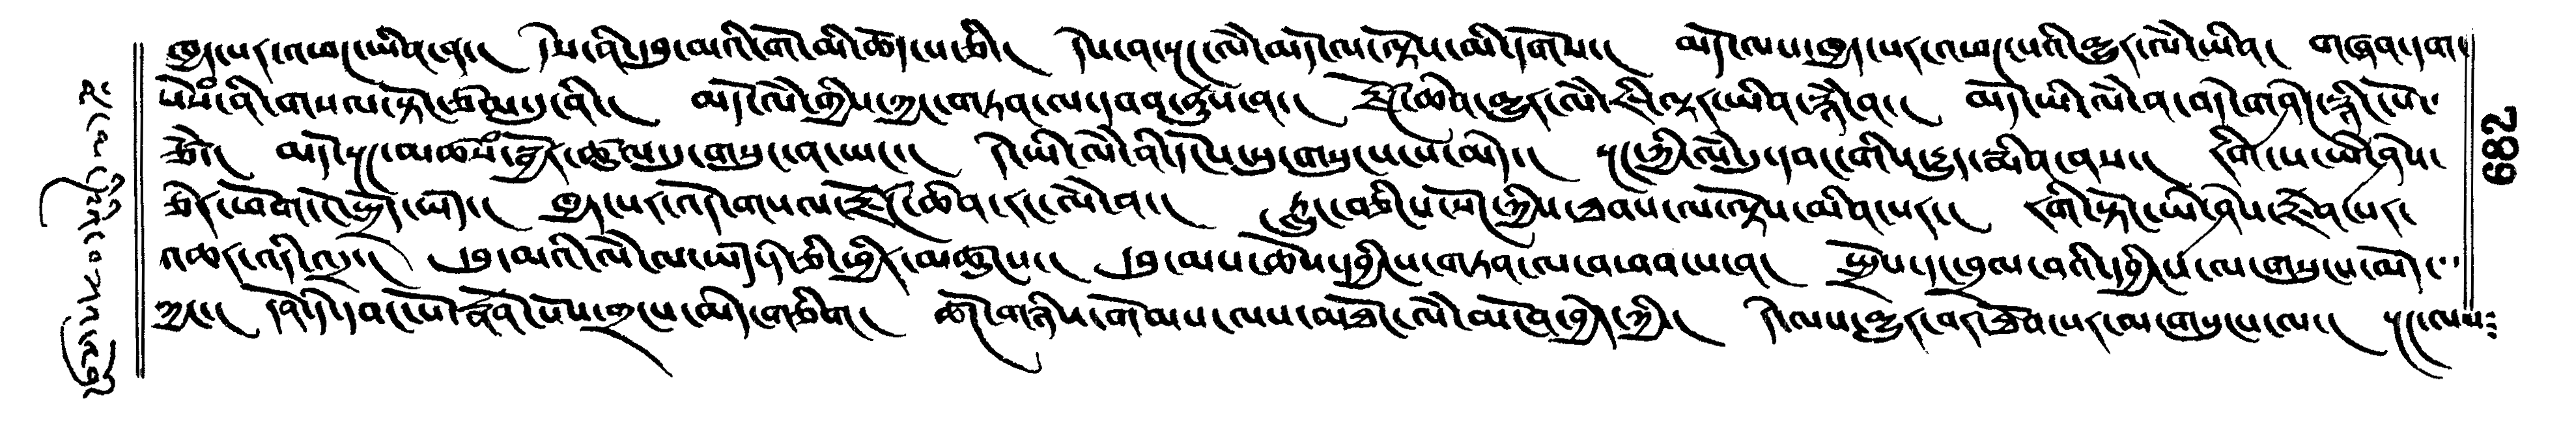ཁྱད་པར་འཕགས་ཡིན་ན། །དེས་ནི་དབུ་མའི་གོ་མི་ཆོད་པ་ཅི། །དེས་ན་སྔགས་ལམ་མདོ་ལ་ལྟོས་མི་དགོས། །མདོ་ལས་ཁྱད་པར་འཕགས་པའི་མྱུར་ལམ་ཡིན། །གཞན་དག་
སེམས་ནི་གསལ་སྟོང་ཙམ་དུ་ནི། །མདོ་ལམ་གྱིས་ཀྱང་གཏན་ལ་དབབ་ནུས་ན། །རྫོགས་ཆེན་མྱུར་ལམ་ཇི་ལྟར་ཡིན་སྙམ་ན། །མདོ་ཡི་ལམ་ན་བདེ་གཤེགས་སྙིང་པོ་
ཙམ། །མདོ་སྔགས་མཚམས་སྦྱོར་ཚུལ་དུ་གསུངས་ན་ཡང་། །དེ་ཡི་ལམ་ནི་དངོས་སུ་གསུངས་པ་མེད། །སྔགས་ཀྱི་ལམ་དུ་དབང་གིས་རྒྱུད་སྨིན་ནས། །རིག་པ་ཡེ་ཤེས་
ཅེར་ཕོག་ངོ་སྤྲོད་ཡོད། ཁྱད་པར་འོད་གསལ་རྫོགས་ཆེན་རང་ལམ་ན། །རླུང་བཅིངས་སོགས་ཀྱི་ཐབས་ལ་ལྟོས་མིན་པར། །རིག་སྟོང་ཡེ་ཤེས་རྗེན་པར་
འཆར་འདི་འདྲ། །དབུ་མའི་ལམ་ལ་ཡོད་དེ་ཅིའི་ཕྱིར་མཚུངས། །དབུ་མས་ཆོས་དབྱིངས་གཏན་ལ་ཕབ་པ་ན། །སྤྲོས་དང་བྲལ་བའི་དབྱིངས་ལ་གསུངས་མོད་
ཀྱང་། །དོན་དེ་དབང་པོ་རྣོན་པོས་གྲངས་མེད་གཅིག།ཚོགས་གཉིས་གོམས་ལས་མཐོང་ལམ་མངོན་བྱེད་ཀྱི། །དེ་ལས་མྱུར་བར་ཐོབ་པར་མ་གསུངས་ལ། །སྔགས་ལས་